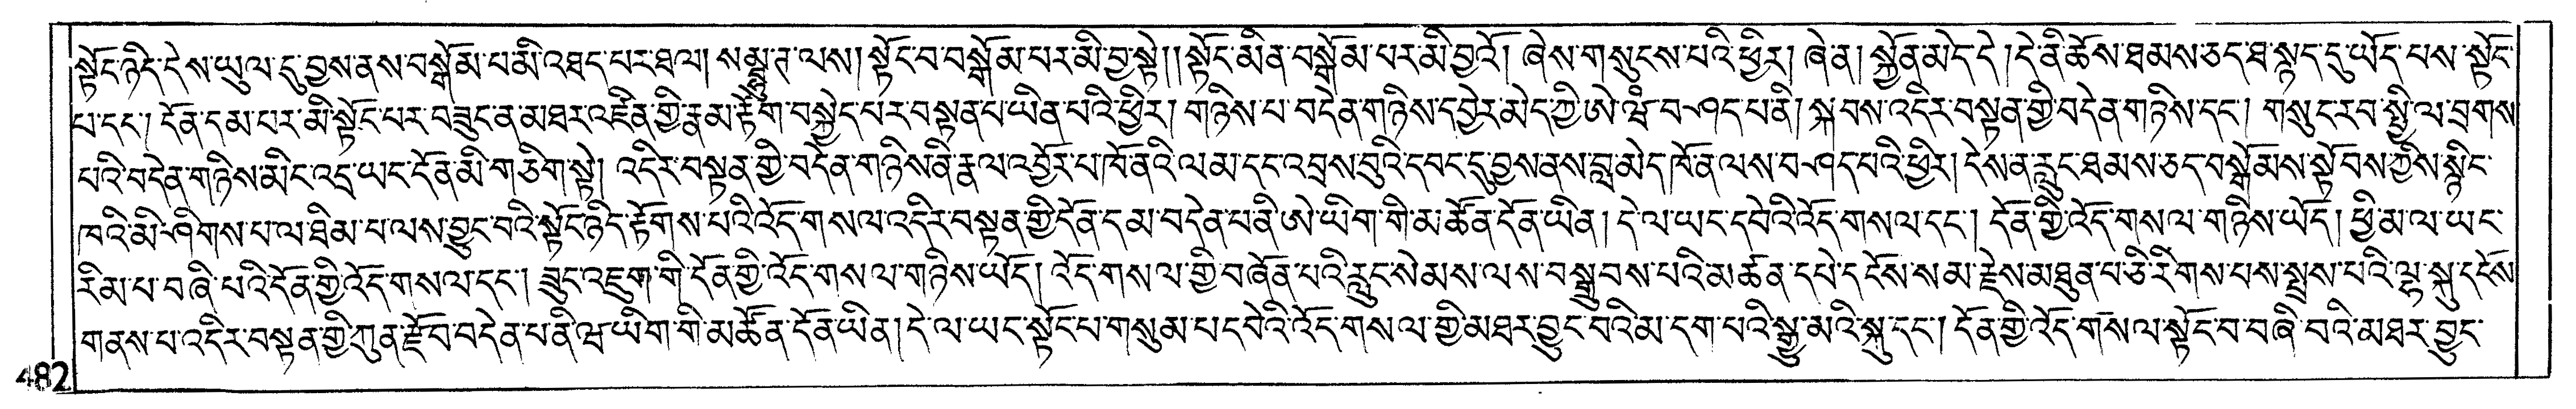སྟོང་ཉིད་དེས་ཡུལ་དུ་བྱས་ནས་བསྒོམ་པ་མི་འཐད་པར་ཐལ། སམྦྷུ་ཊ་ལས། སྟོང་བ་བསྒོམ་པར་མི་བྱ་སྟེ། །སྟོང་མིན་བསྒོམ་པར་མི་བྱའོ། ཞེས་གསུངས་པའི་ཕྱིར། ཞེ་ན། སྐྱོན་མེད་དེ། དེ་ནི་ཆོས་ཐམས་ཅད་ཐ་སྙད་དུ་ཡོད་པས་སྟོང་
པ་དང་། དོན་དམ་པར་མི་སྟོང་པར་བཟུང་ན་མཐར་འཛིན་གྱི་རྣམ་རྟོག་བསྐྱེད་པར་བསྟན་པ་ཡིན་པའི་ཕྱིར། གཉིས་པ་བདེན་གཉིས་དབྱེར་མེད་ཀྱི་ཨེ་ཝཾ་བཤད་པ་ནི། སྐབས་འདིར་བསྟན་གྱི་བདེན་གཉིས་དང་། གསུང་རབ་སྤྱི་ལ་བྲགས་
པའི་བདེན་གཉིས་མིང་འདྲ་ཡང་དོན་མི་གཅིག་སྟེ། འདིར་བསྟན་གྱི་བདེན་གཉིས་ནི་རྣལ་འབྱོར་པ་ཁོ་ནའི་ལམ་དང་འབྲས་བུའི་དབང་དུ་བྱས་ནས་བླ་མེད་ཁོ་ན་ལས་བཤད་པའི་ཕྱིར། དེས་ན་རླུང་ཐམས་ཅད་བསྒོམས་སྟོབས་ཀྱིས་སྙིང་
ཁའི་མི་ཤིགས་པ་ལ་ཐིམ་པ་ལས་བྱུང་བའི་སྟོང་ཉིད་རྟོགས་པའི་འོད་གསལ་འདིར་བསྟན་གྱི་དོན་དམ་བདེན་པ་ནི་ཨེ་ཡིག་གི་མཚོན་དོན་ཡིན། དེ་ལ་ཡང་དཔེའི་འོད་གསལ་དང་། དོན་གྱི་འོད་གསལ་གཉིས་ཡོད། ཕྱི་མ་ལ་ཡང་
རིམ་པ་བཞི་པའི་དོན་གྱི་འོད་གསལ་དང་། ཟུང་འཇུག་གི་དོན་གྱི་འོད་གསལ་གཉིས་ཡོད། འོད་གསལ་གྱི་བཞོན་པའི་རླུང་སེམས་ལས་བསྒྲུབས་པའི་མཚན་དཔེ་དངོས་སམ་རྗེས་མཐུན་པ་ཅི་རིགས་པས་སྤྲས་པའི་ལྷ་སྐུ་དངོས་
གནས་པ་འདིར་བསྟན་གྱི་ཀུན་རྫོབ་བདེན་པ་ནི་ཝ་ཡིག་གི་མཚོན་དོན་ཡིན། དེ་ལ་ཡང་སྟོང་པ་གསུམ་པ་དབེའི་འོད་གསལ་གྱི་མཐར་བྱུང་བའི་མ་དག་པའི་སྒྱུ་མའི་སྐུ་དང་། དོན་གྱི་འོད་གསལ་སྟོང་བ་བཞི་བའི་མཐར་བྱུང་